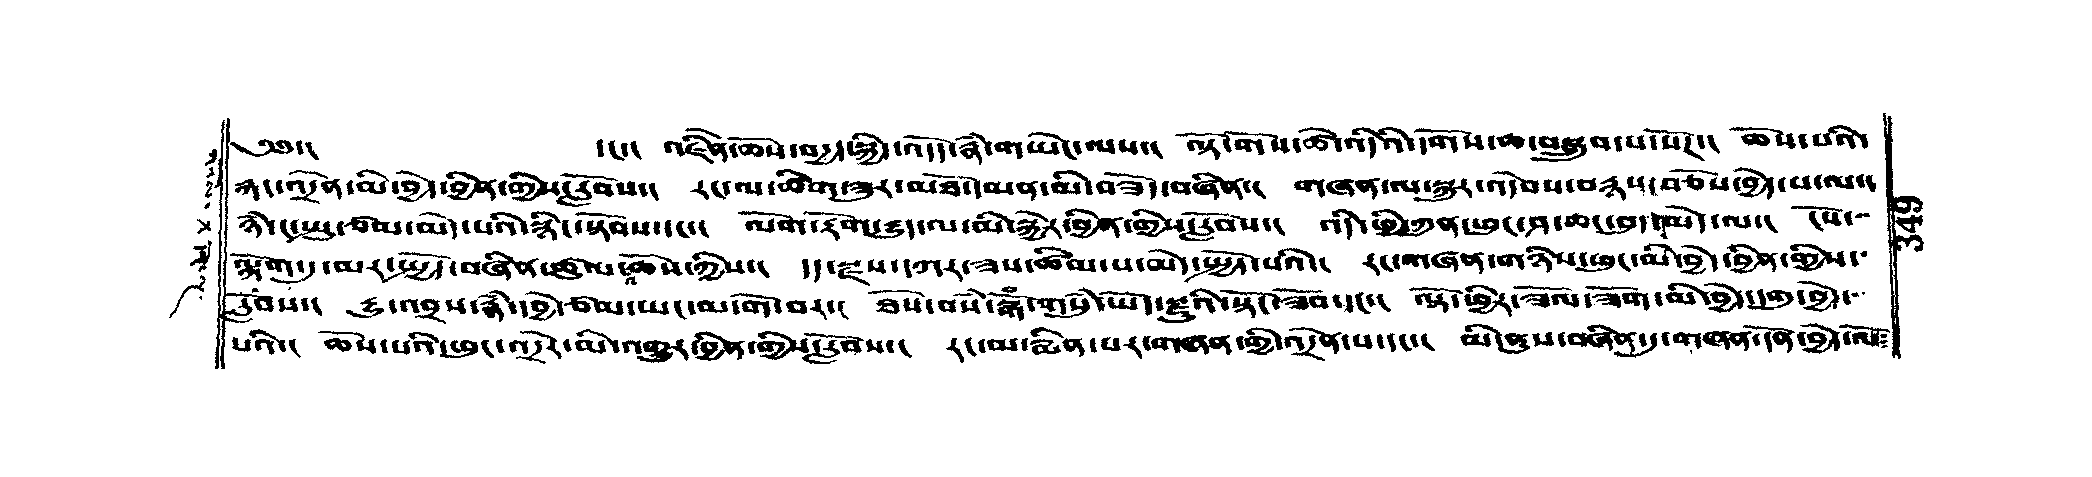དང་། །འཇིག་རྟེན་ཆོས་བརྒྱད་སྐྱིད་འདོད་རྣམ་གཡེང་ལས། །ལྟོ་གོས་ཚེ་འདིའི་དགོས་ཆ་བསྒྲུབ་པ་སོགས། །ཆོས་པའི་
རྐང་འདྲེན་མི་བྱེད་བྱིན་གྱིས་རློབས། །རང་ལ་ཚིག་ཟུར་མཐོ་དམན་མི་བཟོད་བཞིན། །གཞན་ལ་སྐུར་འདེབས་བརྙས་བཅོས་བྱེད་པ་ལ། །
ཉམ་ང་སྤུ་ཙམ་མེད་པའི་སྙིང་སྟོབས་དང་། །ལོག་རྟོག་རྒྱུད་ལ་མི་སྐྱེ་བྱིན་གྱིས་རློབས། །འདི་ཕྱི་ཀུན་ཕུང་ཤ་ཆང་བུད་མེད་ལ། །ངོས་
ལྐོག་དུ་མར་སྤྱོད་བཞིན་ཚུལ་འཆོས་ཀྱིས། །དད་རྫས་དཀོར་ཟས་ཚིམ་པ་མེད་སྤྱོད་པའི། །རང་གཞན་གཉིས་ཕུང་མི་བྱེད་བྱིན་གྱིས་
རློབས། །རྒྱུ་འབྲས་རྣམ་དབྱེ་ཙམ་ཡང་མ་གོས་བར། །ཐོས་བསམ་སྒོམ་གསུམ་ཡོད་རྫུའི་སྟོང་ཟོབ་དང་། །ལྟོ་ཕྱིར་ཟོལ་ཟོག་མི་བྱེད་དགུ་བྱེད་
པའི། །ཆོས་པའི་ཕུང་འདྲེར་མི་འགྱུར་བྱིན་གྱིས་རློབས། །རང་མ་སྨིན་པར་གཞན་གྱི་འདྲེན་པ་དང་། །མི་ནུས་བཞིན་དུ་གཞན་དོན་བྱེད་ལོ་